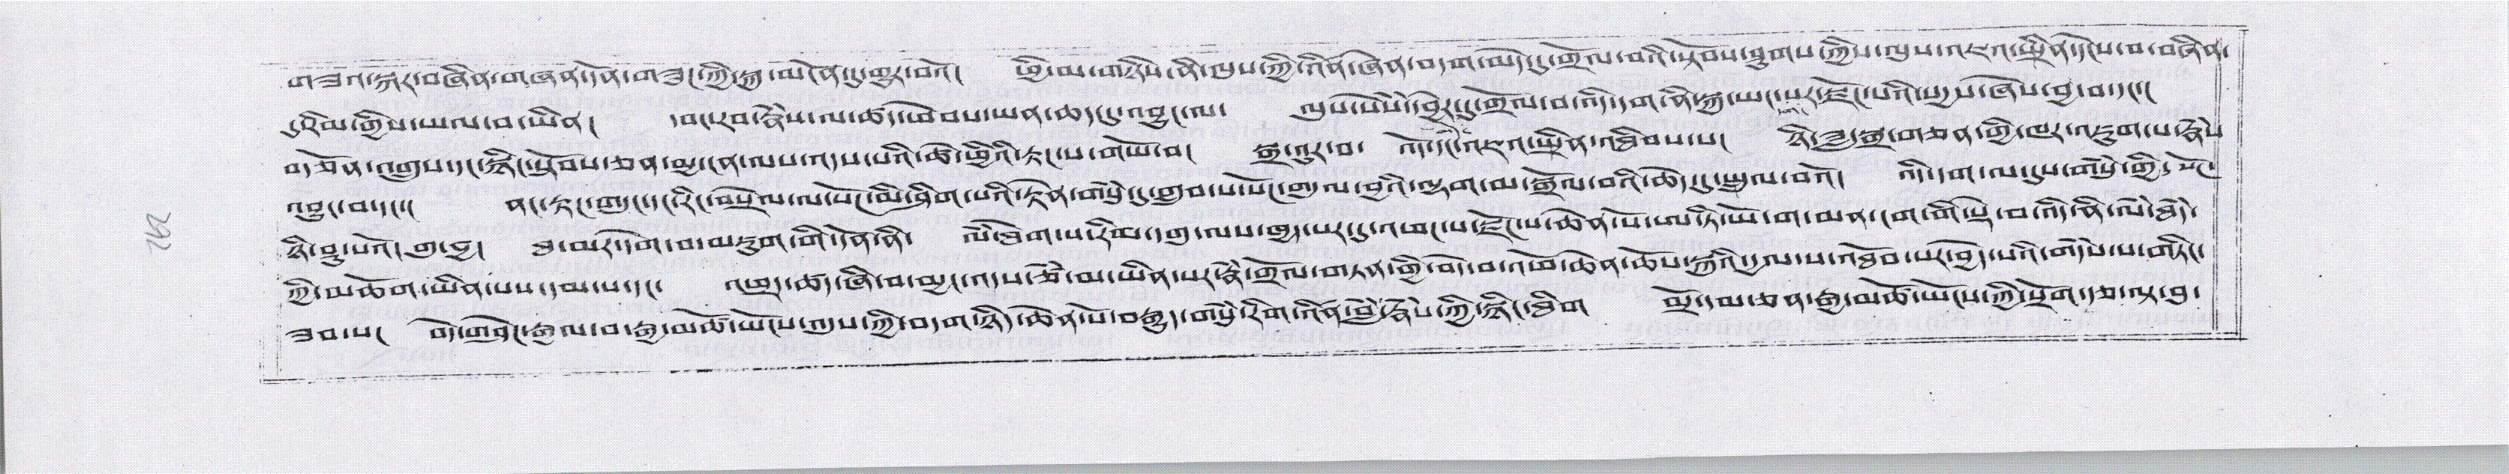གཟའ་སྐར་བཞིན་གཞན་དོན་གཟུགས་ཀྱི་སྐུ་མངོན་དུ་གྱུར་བའོ། ཕྱི་མ་གཉིས་ནི་ལུས་ཀྱི་འཛིན་ཞེན་བདག་མེད་དུ་གྲོལ་བའི་སྟོབས་ཤུགས་ཀྱིས་ལུས་འཇའ་སྤྲིན་དེངས་བ་བཞིན་
དུ་རིམ་གྱིས་ཡལ་བ་ཡིན། དབང་རབ་རྣམས་ལ་ཚད་ཕེབས་ཡན་ཆད་དུ་འབྱུང་ལ། ལུས་སེམས་དབྱེར་མེད་དུ་གྲོལ་བ་འདི་དག་ནི་སྐུ་ཡང་དག་པར་རྫོགས་པའི་སངས་རྒྱས་ཞེས་བྱ་བ་དང། 
བརྩོན་འགྲུས་དང་སྙིང་སྟོབས་ཅན་མྱང་ན་ལས་འདས་པའི་ཚེ་ཕྱིའི་རྟགས་པ་གཡོ་བ། སྒྲ་འུར་བ། འོད་དང་འཇའ་སྤྲིན་འཐིབས་པ། ཉི་ཟླ་སྒྲ་གཅན་གྱི་ཁར་འཇུག་པ་རྣམས་
འབྱུང་བ་དང། ནང་རྟགས་གདུང་དང་རིང་བསྲེལ་ལ་སོགས་མི་ཤིག་པའི་རྟེན་གསུམ་དུ་གྲུབ་པ་སོགས་གདུལ་བྱའི་ལྷག་མ་སྒྲོལ་བའི་ཆེད་དུ་སྤྲུལ་བའོ། འདི་དག་ལ་དུས་གསུམ་གྱི་སོགས་
ཉི་ཤུ་པའོ། གུ་ཧྱ། ཐ་མར་དགེ་བ་མཇུག་གི་དོན་ནི། ལམ་ཐེག་པ་རིམ་དགུ་ལས་ཁྱད་པར་དུ་འཕགས་པ་རྫོགས་པ་ཆེན་པོ་ཨ་ཏི་ཡོ་ག་མན་ངག་གི་སྡེ་བ་འདི་ནི་ལམ་ཐམས་ཅད་
ཀྱི་མཆོག་ཡིན་པས་དམ་པ་དང། འཕྲད་ཚད་ཞི་བ་མྱང་འདས་ཙམ་མ་ཡིན་པར་རྣམ་གྲོལ་གཏན་གྱི་བདེ་བ་འཕོ་ཆེན་ཆོས་སྐུའི་རྒྱལ་ས་འཐོབ་པར་བྱེད་པའི་གདམས་པ་གཏིང་
ཟབ་པ། བདེ་གཤེགས་རྒྱལ་བ་རྒྱ་མཚོ་ཡོངས་འདུས་ཀྱི་བདག་ཉིད་ཆེན་པོ་བརྒྱུད་གསུམ་རིག་འཛིན་བླ་མ་རྣམས་ཀྱི་སྙིང་ཐིག མཁའ་འགྲོ་དམ་ཅན་རྒྱ་མཚོ་ཡོངས་ཀྱི་སྲོག་རྩ་ལྟ་བུ་